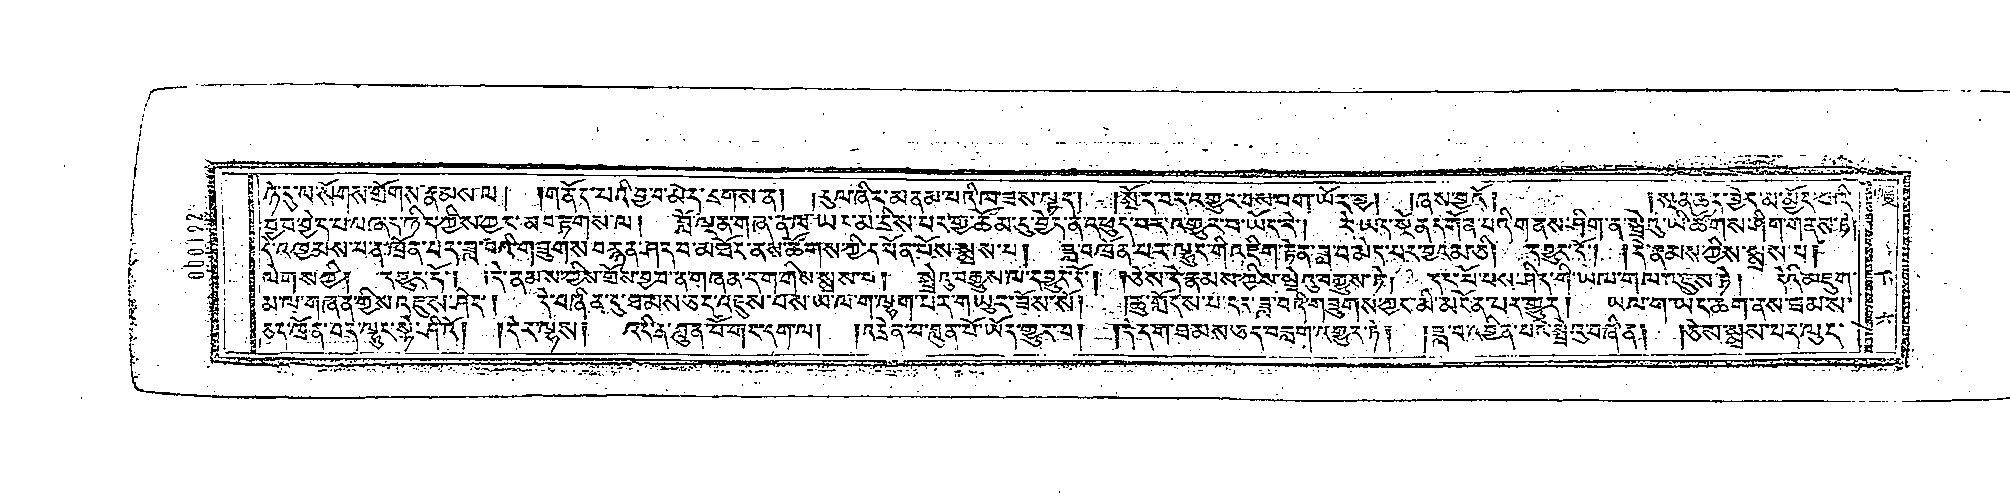ཉེ་དུ་ལ་སོགས་གྲོགས་རྣམས་ལ། །གནོད་པའི་བྱ་བ་མེད་དྲགས་ན། །རུལ་ཞིང་མནམ་པའི་ཁ་ཟས་ལྟར། །སྤོང་བར་འགྱུར་བས་བག་ཡོད་བྱ། །ཞེས་བྱའོ། །སྔོན་ཆད་བྱེད་མ་མྱོང་བའི་
བྱ་བ་བྱེད་པ་ལ་ཞ་ད་ཉིད་ཀྱིས་ཀྱང་མ་བརྟགས་ལ། བློ་ལྡན་གཞན་ལ་ཡང་མ་དྲིས་པར་གྱ་ཚོམ་དུ་བྱེད་ན་འཕུད་བར་འགྱུར་བ་ཡོད་དེ། དེ་ཡང་སྔོན་དགོན་པའི་གནས་ཤིག་ན་སྤྲེའུ་ཡི་ཚོགས་ཤིག་གནས་ཏེ།
དེ་འཁྱམས་པ་ན་ཁྲོན་པར་ཟླ་བའི་གཟུགས་བརྙན་ཤར་བ་མཐོང་ནས་ཚོགས་ཀྱི་དཔོན་པོས་སྨྲས་པ། ཟླ་བ་ཁྲོན་པར་ལྷུང་གི་འཇིག་རྟེན་ཟླ་བ་མེད་པར་བྱའམ་ཅི། དབྱུང་ངོ། །དེ་རྣམས་ཀྱིས་སྨྲས་པ།
ལེགས་ཀྱི། དབྱུང་ངོ། །དེ་རྣམས་ཀྱིས་གྲོས་བྱ་བ་ན་གཞན་དག་གིས་སྨྲས་པ། སྤྲེའུ་བརྒྱུས་ལ་དབྱུང་ངོ། །ཅེས་དེ་རྣམས་ཀྱིས་སྤྲེའུ་བརྒྱུས་ཏེ། དང་པོ་པས་ཤིང་གི་ཡལ་ག་ལ་འཇུས་ཏེ། དེའི་མཇུག་
མ་ལ་གཞན་གྱིས་འཇུས་ཤིང་། དེ་བཞིན་དུ་ཐམས་ཅད་འཇུས་པས་ཡལ་ག་ལྷག་པར་གཡུར་ཟོས་སོ། །ཆུ་གློངས་པ་དང་ཟླ་བའི་གཟུགས་ཀྱང་མི་མངོན་པར་གྱུར། ཡལ་ག་ཡང་ཆག་ནས་ཐམས་
ཅད་ཁྲོན་བར་ལྟུང་སྟེ་ཤིའོ། །དེར་ལྷས། འདི་ན་བླུན་པོ་གང་དག་ལ། །འདྲེན་པ་བླུན་པོ་ཡོད་གྱུར་པ། །དེ་དག་ཐམས་ཅད་བརླག་འགྱུར་ཏེ། །ཟླ་བ་འབྱིན་པའི་སྤྲེའུ་བཞིན། །ཅེས་སྨྲས་པར་ལུང་